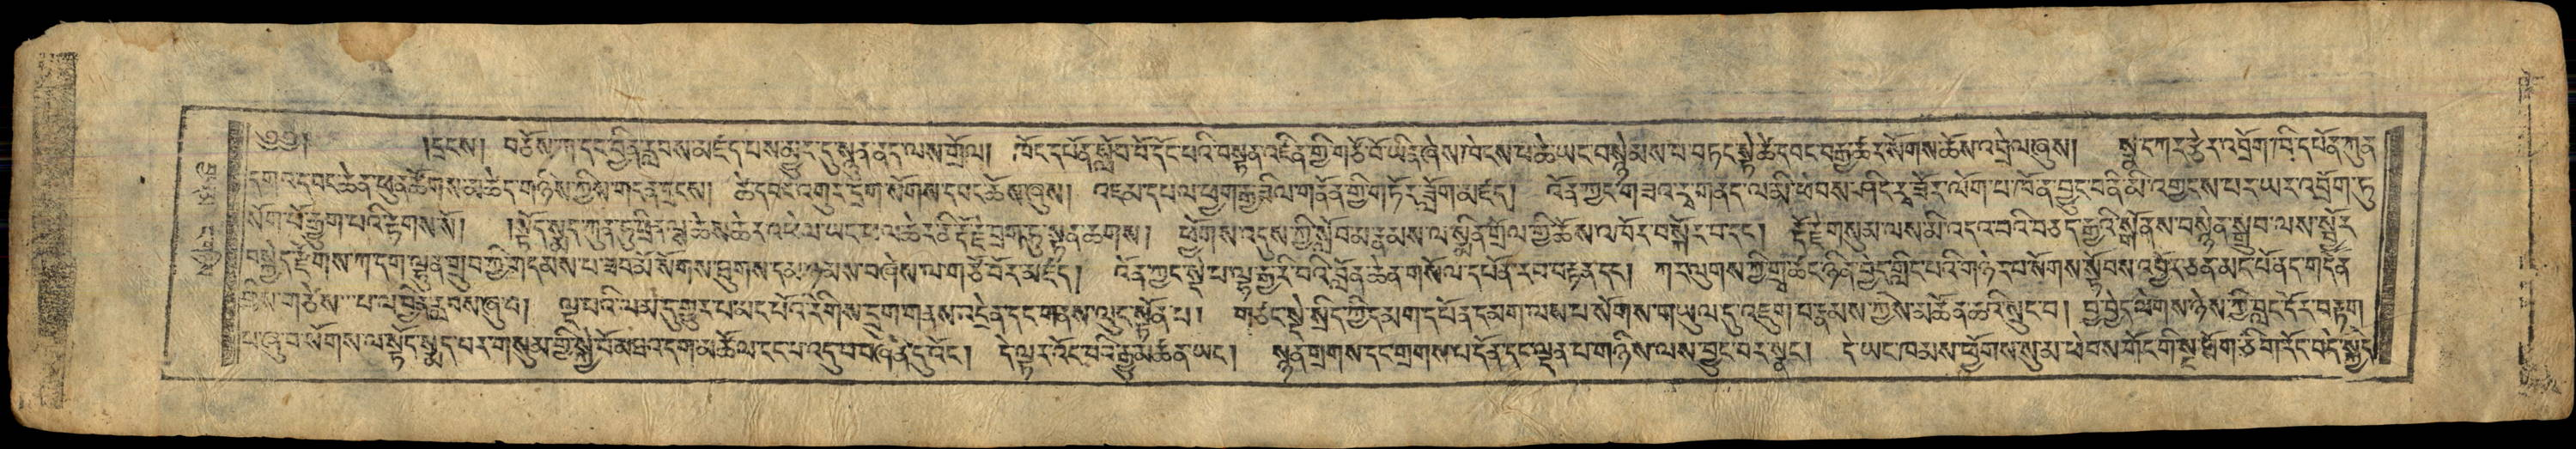༄༅། །དྲངས། བཅོས་ཀ་དང་བྱིན་རླབས་མཛད་པས་མྱུར་དུ་སྙུན་ནད་ལས་གྲོལ། ཁོང་དཔོན་སློབ་བོ་དོང་པའི་བསྟན་འཛིན་གྱི་གཙོ་བོ་ཡིན་ཞེས་ཁེངས་པ་ཆེ་ཡང་བ་སྙེམས་པ་བཏང་སྟེ་ཚེ་དབང་བརྒྱ་ཚར་སོགས་ཆོས་འབྲེལ་ཞུས། སྣ་དཀར་རྩེར་འབྲོག་ཁྲི་དཔོན་ཀུན་
དགའ་དབང་ཆེན་ཕུན་ཚོགས་མཆེད་གཉིས་ཀྱིས་གདན་དྲངས། ཚེ་དབང་འགུར་དྲག་སོགས་དབང་ཆོས་ཞུས༑ འཇམ་དཔལ་ཕྱག་རྒྱ་ཟིལ་གནོན་གྱི་གཏོར་ཟློག་མཛད། འོན་ཀྱང་གཟའ་རྭ་གནད་ལ་མི་ཕེབས་ཤིང་རྭ་ཟོར་ལོག་པ་ཁོ་ན་བྱུང་བ་ནི་མི་འགྱངས་པར་ཡར་འབྲོག་ཏུ་
སོག་པོ་རྒྱུག་པའི་རྟགས་སོ། །སྟོད་སྨད་ཀུན་ཏུ་ཕྲིན་ལས་ཆེས་ཆེར་འཕེལ་ཡང་ཕལ་ཆེ་རེ་ནི་རྡོ་རྗེ་བྲག་ཏུ་སྟན་ཆགས། ཕྱོགས་འདུས་ཀྱི་སློབ་མ་རྣམས་ལ་སྨིན་གྲོལ་གྱི་ཆོས་འཁོར་བསྐོར་བ་དང་། རྡོ་རྗེ་གསུམ་ལས་མི་འདའ་བའི་བཅད་རྒྱའི་སྒོ་ནས་བསྙེན་སྒྲུབ་ལས་སྦྱོར་
བསྐྱེད་རྫོགས་ཀ་དག་ལྷུན་གྲུབ་ཀྱི་གདམས་པ་ཟབ་མོ་སོགས་ཐུགས་དམ་ཉམས་བཞེས་ལ་གཙོ་བོར་མཛད། འོན་ཀྱང་སྡེ་པ་ལྔ་རྒྱ་རི་བའི་བློན་ཆེན་གསོལ་དཔོན་རབ་བརྟན་དང་། ཀར་ལུགས་ཀྱི་གྲྭ་ཚང་ཉིན་བྱེད་གླིང་པའི་གཉེར་པ་སོགས་སྟོབས་འབྱོར་ཅན་མང་པོ་ནད་གདོན་
གྱིས་གཙེས་པ་ལ་བྱིན་རླབས་ཞུ་བ། ལྔ་པའི་ལམ་དུ་གྱུར་པ་མང་པོའི་རིགས་དྲུག་གནས་འདྲེན་དང་གནས་ལུང་སྟོན་པ། གཙང་སྡེ་སྲིད་ཀྱི་དམག་དཔོན་དམག་ལས་པ་སགས་གཡུལ་དུ་འཇུག་པ་རྣམས་ཀྱིས་མཚོན་ཆའི་སྲུང་བ། བྱ་བྱེད་ལེགས་ཉེས་ཀྱི་བླང་དོར་བརྟག་
པ་ཞུ་བ་སོགས་ལ་སྟོད་སྨད་པར་གསུམ་གྱི་སྐྱེ་བོ་མཐའ་དག་མཚོལ་ངང་པ་འདུ་བ་བཞིན་དུ་འོང་། དེ་ལྟར་འོང་བའི་རྒྱུ་མཚན་ཡང་། སྙན་གྲགས་དང་གྲགས་པ་དོན་དང་ལྡན་པ་གཉིས་ལས་བྱུང་བར་སྣང་། དེ་ཡང་ཁམས་ཕྱོགས་སུ་མ་ཕེབས་གོང་གི་སྔ་ཐོག་ཅིག་རང་བདེ་སྐྱིད་